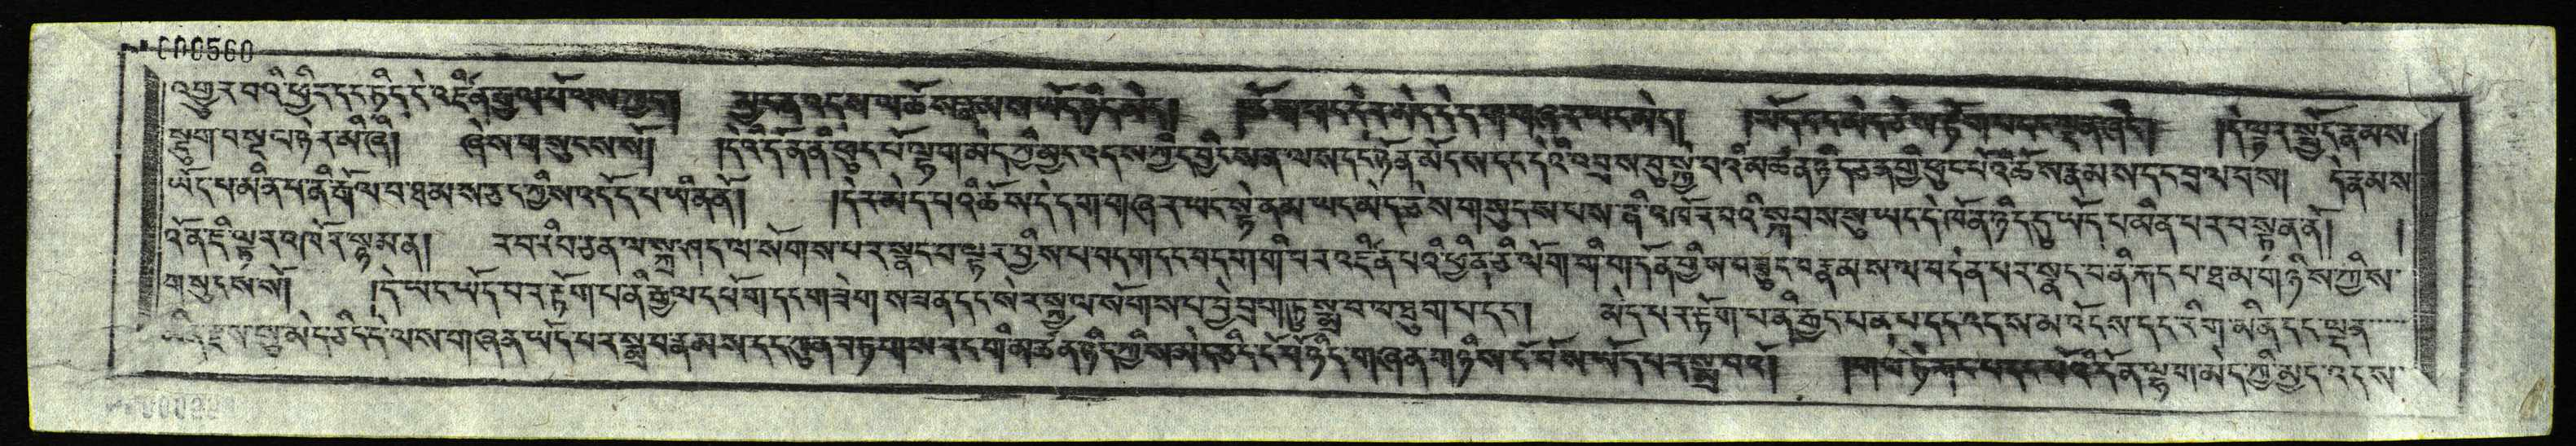འགྱུར་བའི་ཕྱིར་དང་ཏིང་ངེ་འཛིན་རྒྱལ་པོ་ལས་ཀྱང་། མྱ་ངན་འདས་ལ་ཆོས་རྣམས་ལ་ཡོད་ཉིད་མེད། །ཆོས་གང་དེར་མེད་དེ་དག་གཞན་ཡང་མེད། །ཡོད་དང་མེད་ཅེས་རྟོག་པ་དང་ལྡན་ཞིང་། །དེ་ལྟར་སྤྱོད་རྣམས་
སྡུག་བསྔལ་ཉེར་མི་ཞི། ཞེས་གསུངས་སོ། །དེའི་དོན་ནི་ཕུང་པོ་ལྷག་མེད་ཀྱི་མྱང་འདས་ཀྱི་དབྱིངས་ན་ལས་དང་ཉོན་མོངས་དང་དེའི་འབྲས་བུ་སྐྱེ་བའི་མཚན་ཉིད་ཅན་གྱི་ཕུང་པོའི་ཆོས་རྣམས་དང་བྲལ་བས། དེ་རྣམས་
ཡོད་པ་མིན་པ་ནི་རྒོལ་བ་ཐམས་ཅད་ཀྱིས་འདོད་པ་ཡིན་ནོ། །དེར་མེད་པའི་ཆོས་དེ་དག་གཞར་ཡང་སྟེ་ནམ་ཡང་མེད་ཅེས་གསུངས་པས་ནི་འཁོར་བའི་སྐབས་སུ་ཡང་དེ་ཁོ་ན་ཉིད་དུ་ཡོད་པ་མིན་པར་བསྟན་ནོ། །
འོ་ན་ཇི་ལྟར་འཁོར་སྙམ་ན། རབ་རིབ་ཅན་ལ་སྐྲ་ཤད་ལ་སོགས་པར་སྣང་བ་ལྟར་བྱིས་པ་བདག་དང་བདག་གི་བར་འཛིན་པའི་ཕྱིན་ཅི་ལོག་གི་གདོན་གྱིས་བཟུང་བ་རྣམས་ལ་བདེན་པར་སྣང་བ་ནི་རྐང་པ་ཐ་མ་གཉིས་ཀྱིས་
གསུངས་སོ། །དེ་ཡང་ཡོད་པར་རྟོག་པ་ནི་རྒྱལ་དཔོག་དང་གཟེགས་ཟན་དང་སེར་སྐྱ་ལ་སོགས་པ་བྱེ་བྲག་ཏུ་སྨྲ་བ་ལ་ཐུག་པ་དང་། མེད་པར་རྟོག་པ་ནི་རྒྱང་པན་པ་དང་འདས་མ་འོངས་དང་རིག་མིན་དང་ལྡན་
མིན་རྫས་སུ་མེད་ཅིང་དེ་ལས་གཞན་ཡོད་པར་སྨྲ་བ་རྣམས་དང་ཀུན་བཏགས་རང་གི་མཚན་ཉིད་ཀྱིས་མེད་ཅིང་ངོ་བོ་ཉིད་གཞན་གཉིས་ངོ་བོས་ཡོད་པར་སྨྲ་བའོ། །གལ་ཏེ་རྐང་པ་དང་པོའི་དོན་ལྷག་མེད་ཀྱི་མྱང་འདས་